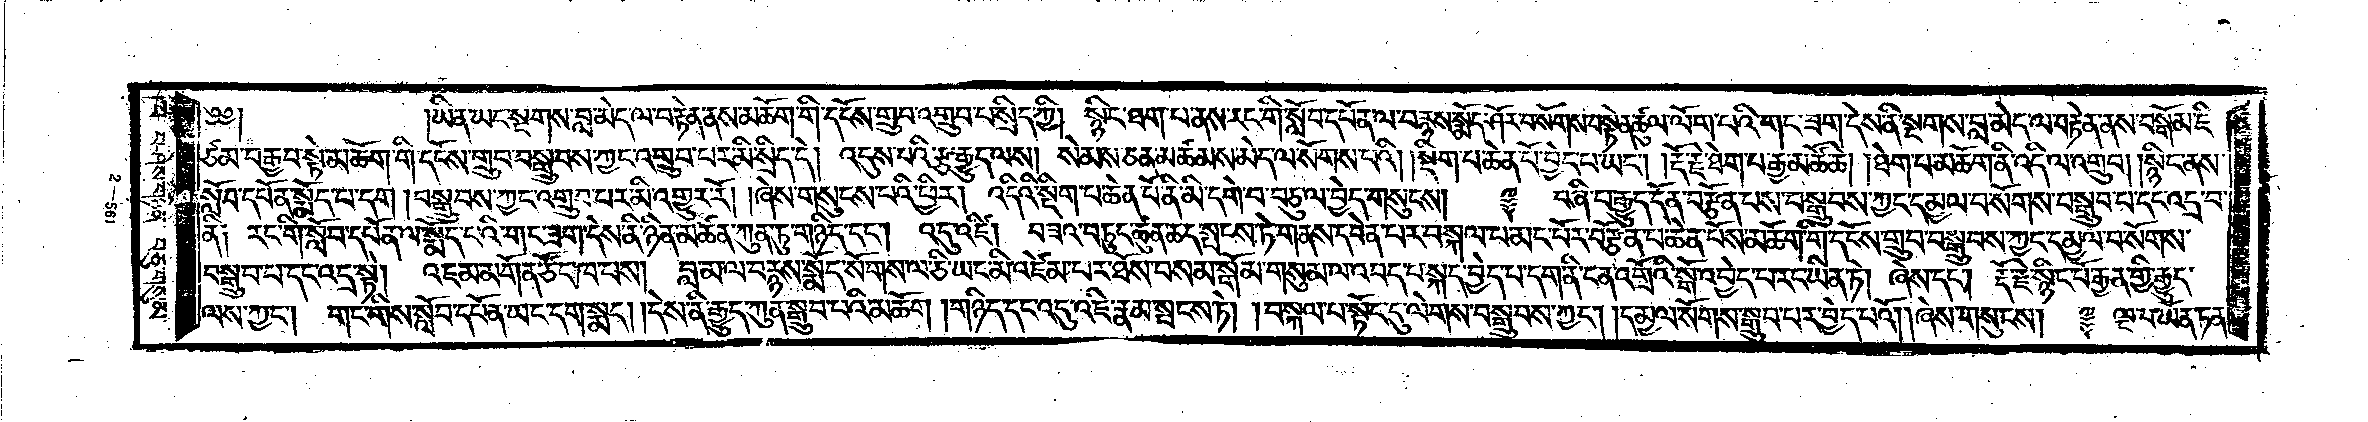༄༅། །མིན་ཡང་སྔགས་བླ་མེད་ལ་བརྟེན་ནས་མཆོག་གི་དངོས་གྲུབ་འགྲུབ་པ་སྲིད་ཀྱི། སྙིང་ཐག་པ་ནས་རང་གི་སློབ་དཔོན་ལ་བརྙས་སྨོད་ཤོར་བ་སོགས་བསྟེན་ཚུལ་ལོག་པའི་གང་ཟག་དེས་ནི་སྔགས་བླ་མེད་ལ་བརྟེན་ནས་བསྒོམ་ཇི་
ཙམ་བརྒྱབ་སྟེ་མཆོག་གི་དངོས་གྲུབ་བསྒྲུབས་ཀྱང་འགྲུབ་པར་མི་སྲིད་དེ། འདུས་པའི་རྩ་རྒྱུད་ལས། སེམས་ཅན་མཚམས་མེད་ལ་སོགས་པའི། །སྡིག་པ་ཆེན་པོ་བྱེད་པ་ཡང་། །རྡོ་རྗེ་ཐེག་པ་རྒྱ་མཚོ་ཆེ། །ཐེག་པ་མཆོག་ནི་འདི་ལ་འགྲུབ། །སྙིང་ནས་
སློབ་དཔོན་སྨོད་པ་དག །བསྒྲུབས་ཀྱང་འགྲུབ་པར་མི་འགྱུར་རོ། །ཞེས་གསུངས་པའི་ཕྱིར། འདིའི་སྡིག་པ་ཆེན་པོ་ནི་མི་དགེ་བ་བཅུ་ལ་བྱེད་གསུངས། ༈ བཞི་པ་རྒྱུད་དོན་བརྩོན་པས་བསྒྲུབས་ཀྱང་དམྱལ་བ་སོགས་བསྒྲུབ་པ་དང་འདྲ་བ་
ནི༑ རང་གི་སློབ་དཔོན་ལ་སྨོད་པའི་གང་ཟག་དེས་ནི་ཉིན་མཚན་ཀུན་ཏུ་གཉིད་དང་། འདུ་འཛི། བཟའ་བཏུང་ཚུན་ཆད་སྤངས་ཏེ་གནས་དབེན་པར་བསྐལ་པ་མང་པོར་བརྩོན་པ་ཆེན་པོས་མཆོག་གི་དངོས་གྲུབ་བསྒྲུབས་ཀྱང་དམྱལ་བ་སོགས་
བསྒྲུབ་པ་དང་འདྲ་སྟེ། འཇམ་མགོན་ཙོང་ཁ་པས། བླ་མ་ལ་བརྙས་སྨོད་སོགས་ལ་ཅི་ཡང་མི་འཛེམ་པར་ཐོས་བསམ་སྒོམ་གསུམ་ལ་འབད་པ་སྐད་བྱེད་པ་དག་ནི་ངན་འགྲོའི་སྒོ་འབྱེད་པ་རང་ཡིན་ཏེ། ཞེས་དང་། རྡོ་རྗེ་སྙིང་པོ་རྒྱན་གྱི་རྒྱུད་
ལས་ཀྱང་། གང་གིས་སློབ་དཔོན་ཡང་དག་སྨད། །དེས་ནི་རྒྱུད་ཀུན་སྒྲུབ་པའི་མཆོག །གཉིད་དང་འདུ་འཇི་རྣམ་སྤངས་ཏེ། །བསྐལ་པ་སྟོང་དུ་ལེགས་བསྒྲུབས་ཀྱང་། །དམྱལ་སོགས་སྒྲུབ་པར་བྱེད་པའོ། །ཞེས་གསུངས། ༈ ལྔ་པ་ཡོན་ཏན་